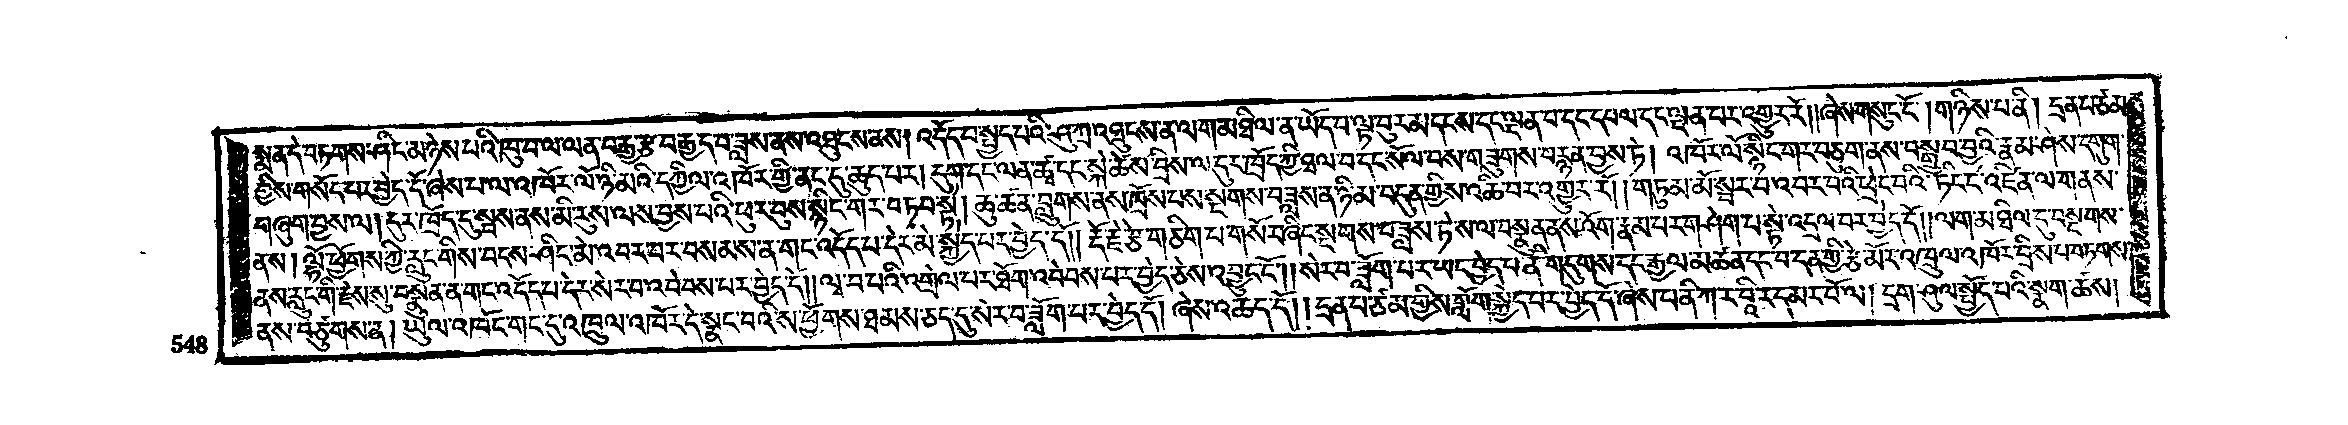སྨན་དེ་བཏགས་ཤིང་མཉེས་པའི་ཁུ་བ་ལ་ལན་བརྒྱ་རྩ་བརྒྱད་པ་ཟླས་ནས་འཐུངས་ནས། འདོད་པ་སྤྱད་པའི་ཤུ་ཀྲ་འཐུངས་ན་ལག་མཐིལ་ན་ཡོད་པ་ལྟ་བུར་མདངས་དང་ལྡན་པ་དང་དཔལ་དང་ལྡན་པར་འགྱུར་རོ། །ཞེས་གསུང་ངོ། གཉིས་པ་ནི། དྲན་པ་ཙམ་
གྱིས་གསོད་པར་བྱེད་དོ་ཞེས་པ་ལ་འཁོར་ལོ་ཉི་མའི་དཀྱིལ་འཁོར་གྱི་ནང་དུ་ཆུད་པར། དུག་དང་ལན་ཚྭ་དང་སྐེ་ཚེས་བྲིས་ལ་དུར་ཁྲོད་ཀྱི་ཐལ་བ་དང་སོལ་བས་གཟུགས་བརྙན་བྱས་ཏེ། འཁོར་ལོ་སྙིང་ཁར་བཅུག་ནས་བསྒྲུབ་བྱའི་རྣམ་ཤེས་དགུག་
གཞུག་བྱས་ལ། དུར་ཁྲོད་དུ་སྦས་ནས་མི་རུས་ལས་བྱས་པའི་ཕུར་བུས་སྙིང་གར་བཏབ་སྟེ། ཆུ་ཚན་བླུགས་ནས་ཁྲོས་པས་སྔགས་བཟླས་ན་ཉི་མ་བདུན་གྱིས་འཆི་བར་འགྱུར་རོ། །གཏུམ་མོ་སྦར་བ་འབར་བའི་ཕྲེང་བའི་ཏིང་ངེ་འཛིན་ལ་གནས་
ནས། ལྷོ་ཕྱོགས་ཀྱི་རླུང་གིས་བདས་ཤིང་མེ་འབར་བར་བསམས་ན་གང་འདོད་པ་དེར་མེ་སྐྱེད་པར་བྱེད་དོ། །རྡོ་རྗེ་རྩེ་གཅིག་པ་གསོར་ཞིང་སྔགས་བཟླས་ཏེ་ས་ལ་བསྣུན་ནས་འོག་རྣམ་པར་གཤེག་པ་སྟེ་འདྲལ་བར་བྱེད་དོ། །ལག་མཐིལ་དུ་བསྔགས་
ནས་རླུང་གི་རྗེས་སུ་བསྣུན་ན་གང་འདོད་པ་དེར་སེར་བ་འབེབས་པར་བྱེད་དོ། །ལྭ་བ་པའི་འགྲེལ་པར་ཐོག་འབེབས་པར་བྱེད་ཅེས་འབྱུང་ངོ། །སེར་བ་ཟློག་པར་ཡང་བྱེད་པ་ནི་གདུགས་དང་རྒྱལ་མཚན་དང་བ་དན་གྱི་རྩེ་མོར་འཁྲུལ་འཁོར་བྲིས་པ་བཏགས་
ནས་བཙུགས་ན། ཡུལ་འཁོང་གང་དུ་འཁྲུལ་འཁོར་དེ་སྣང་བའི་ས་ཕྱོགས་ཐམས་ཅད་དུ་སེར་བ་ཟློག་པར་བྱེད་དོ། ཞེས་འཆད་དོ། །དྲན་པ་ཙམ་གྱིས་གློག་སྐྱེད་པར་བྱེད་དོ། ཞེས་པ་ནི་ཀ་ར་བཱི་ར་དམར་པོ་ལ། དྲག་ཤུལ་སྤྱོད་པའི་སྣག་ཚས། ཚས་